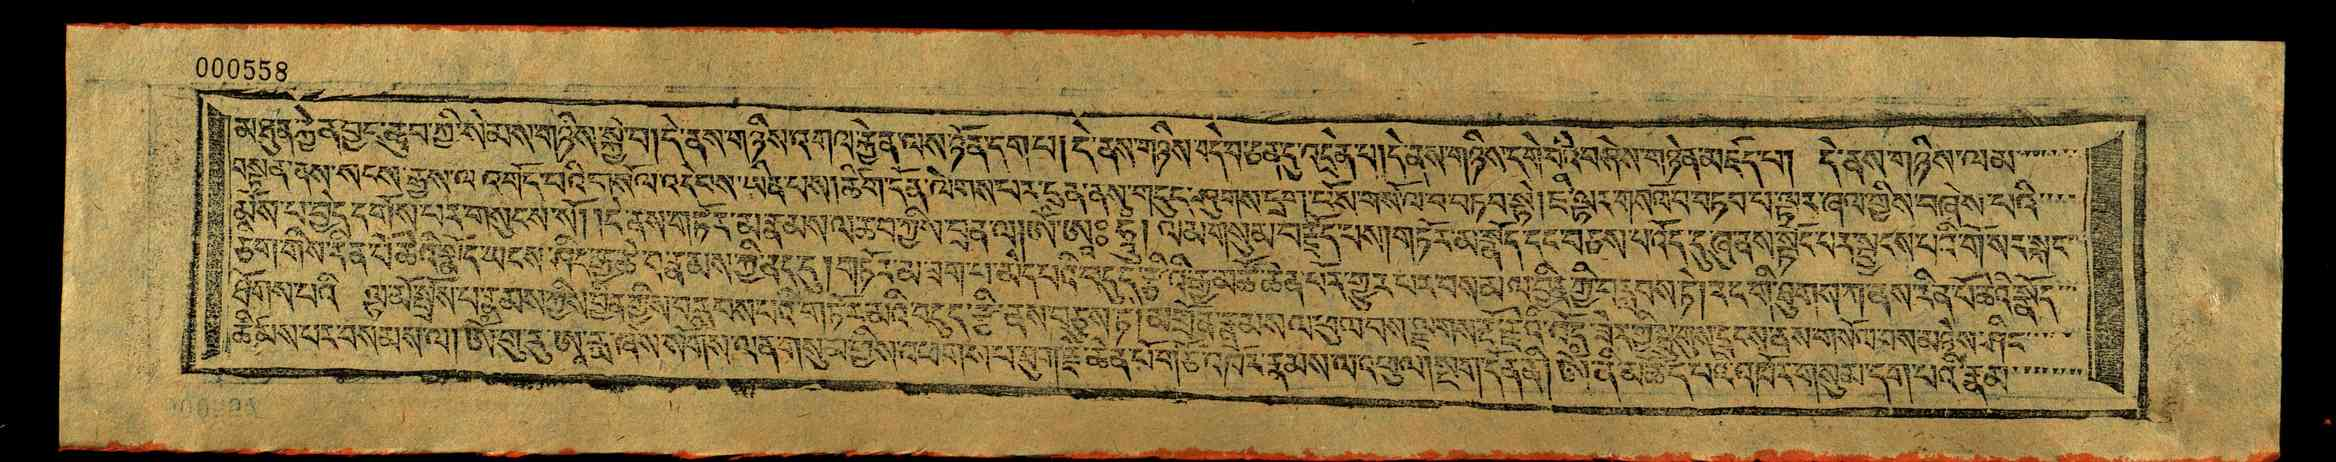མཐུན་རྐྱན་བྱང་ཆུབ་ཀྱི་སེམས་གཉིས་སྐྱེ་བ། དེ་ནས་གཉིས་འགལ་རྐྱེན་ལས་ཉོན་དག་པ། དེ་ནས་གཉིས་བདེ་བ་ཅན་དུ་འདྲེན་པ། དེ་ནས་གཉིས་དགེ་བའི་བཤེས་གཉེན་མཛད་པ། དེ་ནས་གཉིས་ལམ་
བསྟན་ནས་སངས་རྒྱས་ལ་འགོད་པའི་གསོལ་འདེབས་ཡིན་པས། ཚིག་དོན་ལེགས་པར་དྲན་ནས་གདུང་ཤུགས་དྲག་པོས་གསོལ་བ་བཏབ་སྟེ། ཇི་ལྟར་གསོལ་བ་བཏབ་པ་ལྟར་ཞལ་གྱིས་བཞེས་པའི་
མོས་པ་བྱེད་དགོས་པར་གསུངས་སོ། དེ་ནས་གཏོར་མ་རྣམས་ལ་ཆབ་ཀྱིས་བྲན་ལ། ཨོཾ་ཨཱཿ ཧཱུཾ། ལན་གསུམ་བརྗོད་པས། གཏོར་མ་སྣོད་དང་བཅས་པ་འོད་དུ་ཞུ་ནས་སྟོང་པར་སྦྱངས་པའི་གོ་སར་སྐད་
ཅིག་གིས་རིན་པོ་ཆེའི་སྣོད་ཡངས་ཤིང་རྒྱ་ཆེ་བ་རྣམས་ཀྱི་ནད་དུ། གཏོར་མ་ཟག་པ་མེད་པའི་བདུད་རྩིའི་རྒྱ་མཚོ་ཆེན་པོར་གྱུར་པར་བསམ་ལ་བྱིན་གྱིས་བརླབས་ཏེ། རང་གི་ཐུགས་ཀ་ནས་རིན་པོ་ཆེའི་སྣོད་
ཐོགས་པའི་ལྷ་མོ་སྤྲོས་པ་རྣམས་ཀྱིས་བྱིན་གྱིས་བརླབས་པའི་གཏོར་མའི་བདུད་རྩི་ནས་བཅུས་ཏེ། མགྲོན་རྣམས་ལ་ཕུལ་བས་ལྗགས་རྡོ་རྗེའི་འོད་ཟེར་གྱི་སྦུ་གུས་དྲངས་ནས་གསོལ་བས་མཉེས་ཤིང་
ཚིམས་པར་བསམས་ལ། ཨོཾ་གུ་རུ་ཨའྲྱ་ཞེས་སོགས་ལན་གསུམ་གྱིས་འཕགས་པ་ཐུགས་རྗེ་ཆེན་པོ་གཙོ་འཁོར་རྣམས་ལ་འབུལ། སྔགས་དོན་ནི། ཨོཾ་ནི་མཆོད་པའི་འཁོར་གསུམ་དག་པའི་རྣམ་